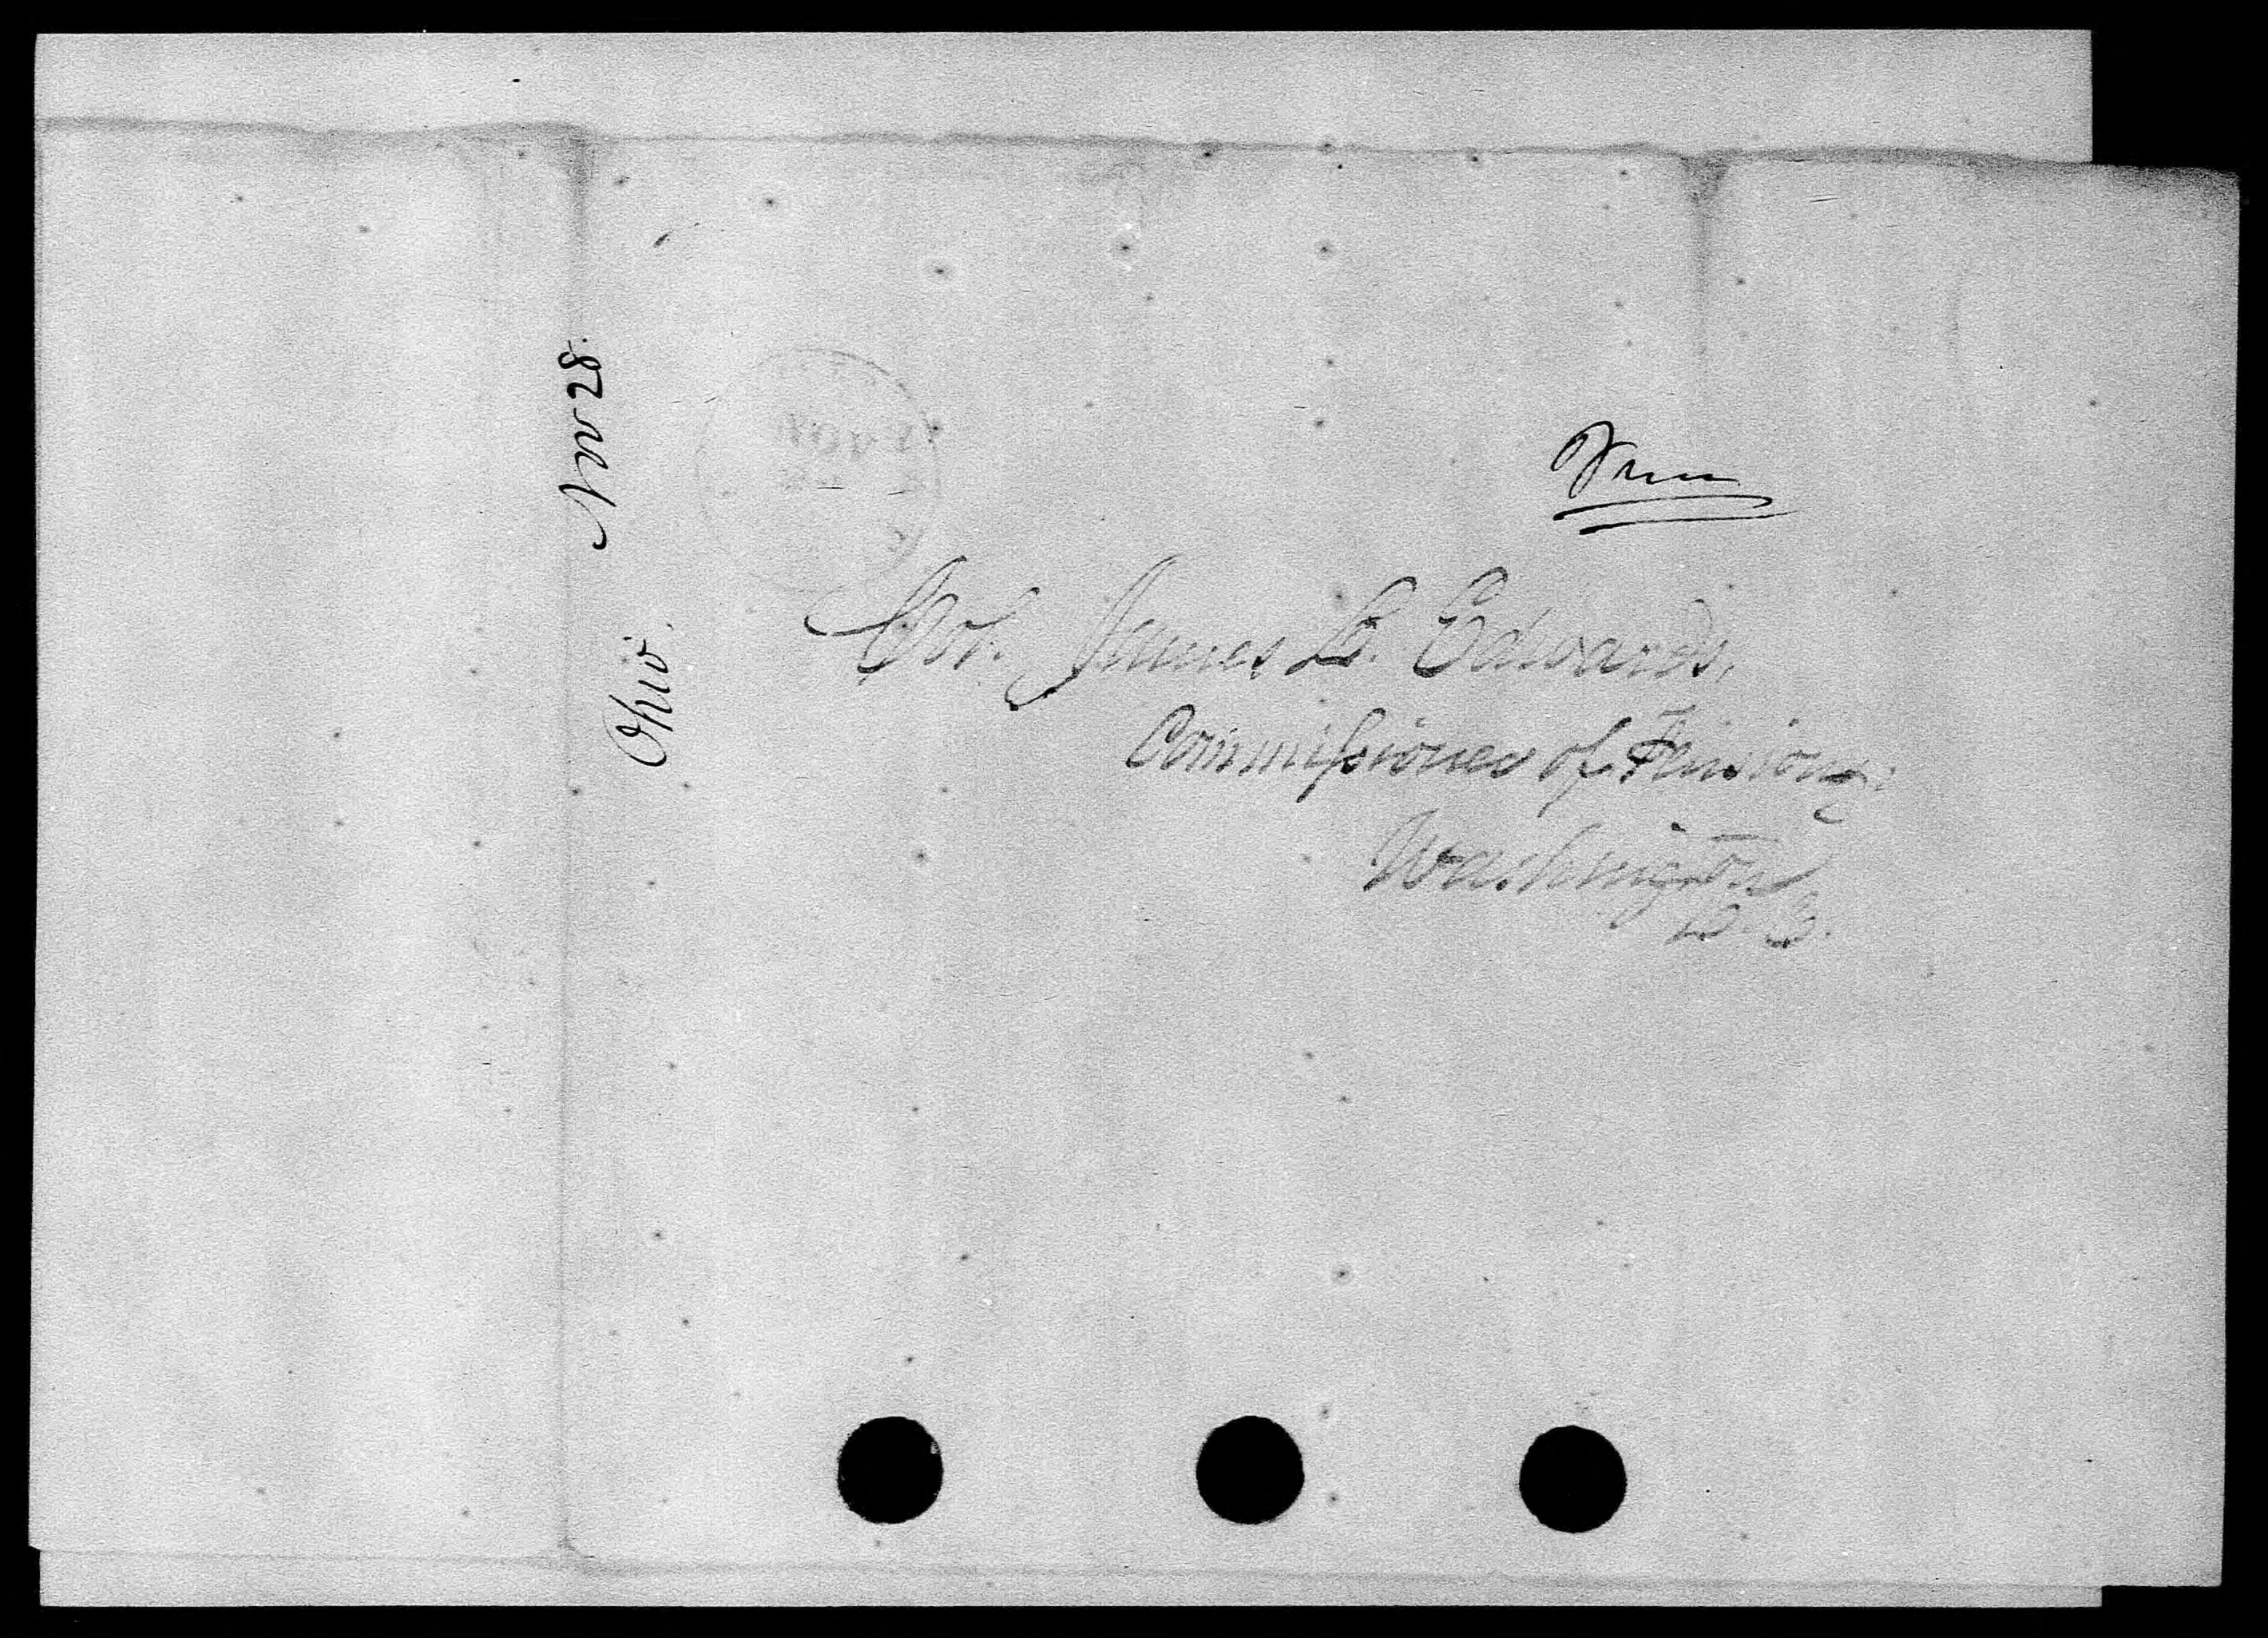[round black ink stamp]
NOV 
[illegible words]

Ohio Nov 28.

Free 
C.[Care] of James L. Edwards
Commissioner of Pensions
Washington 
D.C.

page: 43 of 45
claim: widow's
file: W. 7984, for Gerrard King, Virginia